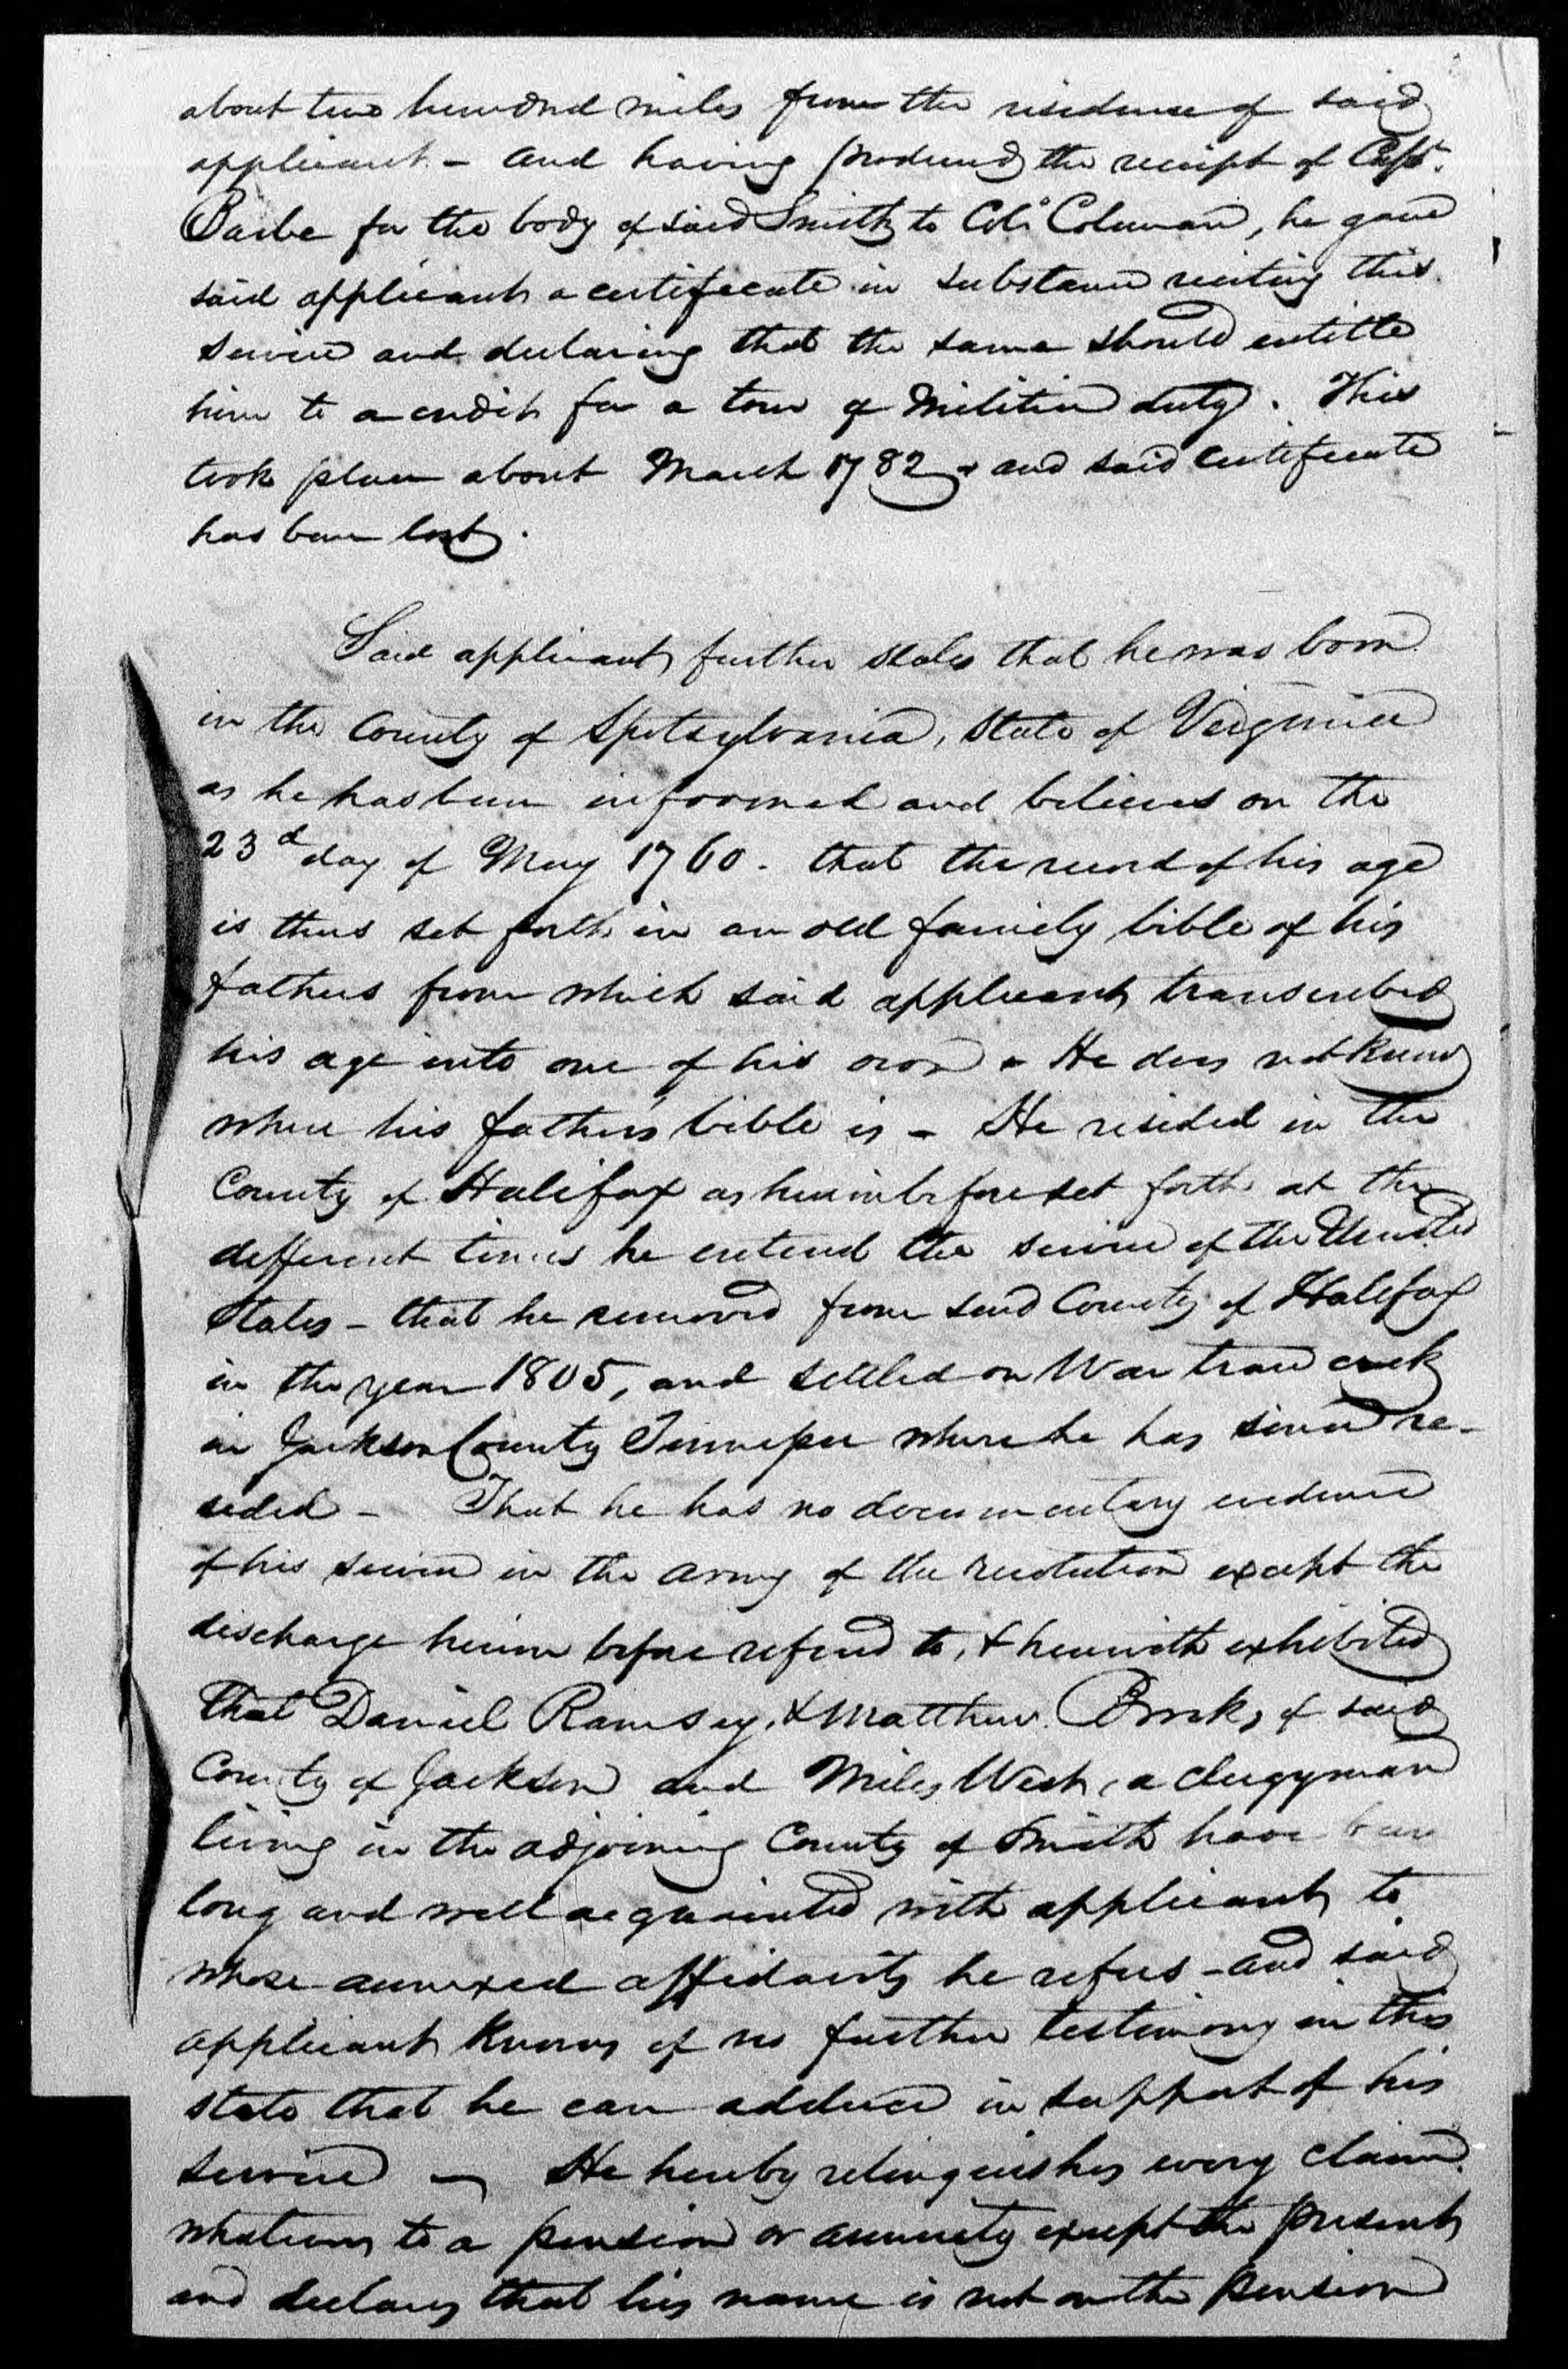about two hundred miles from the residence of said applicant  - and having produced the receipt of Capt.  Barbe for the body of said Smith to Col. Coleman, he gave said applicant a certificate in substance reciting this, service and declaring that the same should entitle him to a credit for a tour of Militia duty.   This took place about March 1782 and said certificate has been lost.

Said applicant further states that he was born in the County of Spotsylvania, State of Virginia as he has been informed and believes on the 23rd day of May 1760.  that the record of his age is thus set forth in an old family bible of his fathers' from which said applicant transcribed his age unto one of his own and he does not know where his father's bible is - He resided in this County of Halifax as he has set forth at the different times he entered the service of the United States  - that he removed from said County of  Halifax in the year 1805, and settled on ?  in Jackson County, Tennessee where he has since resided, that he has no documentary evidence of his service in the army of the revolution except the discharge herein before referred to , and herewith exhibited 
that Daniel Ramsey and Matthew Brooks of said County of Jackson and Miles West, a clergyman living in the adjoining county of Smith have been long and well acquainted with applicant to whose annexed affidavits he refers and said applicant knows of no further testimony in this
states that he can adduce in support of his service -He hereby relinquishes every claim whatsoever to a pension or annuity except the present and declares that his name is not on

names: Smith, Matthew Brooks, Coleman, Daniel Ramsey, Barbe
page: 6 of 22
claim: survivor's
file: S. 3408, Reuben Graves, Va.